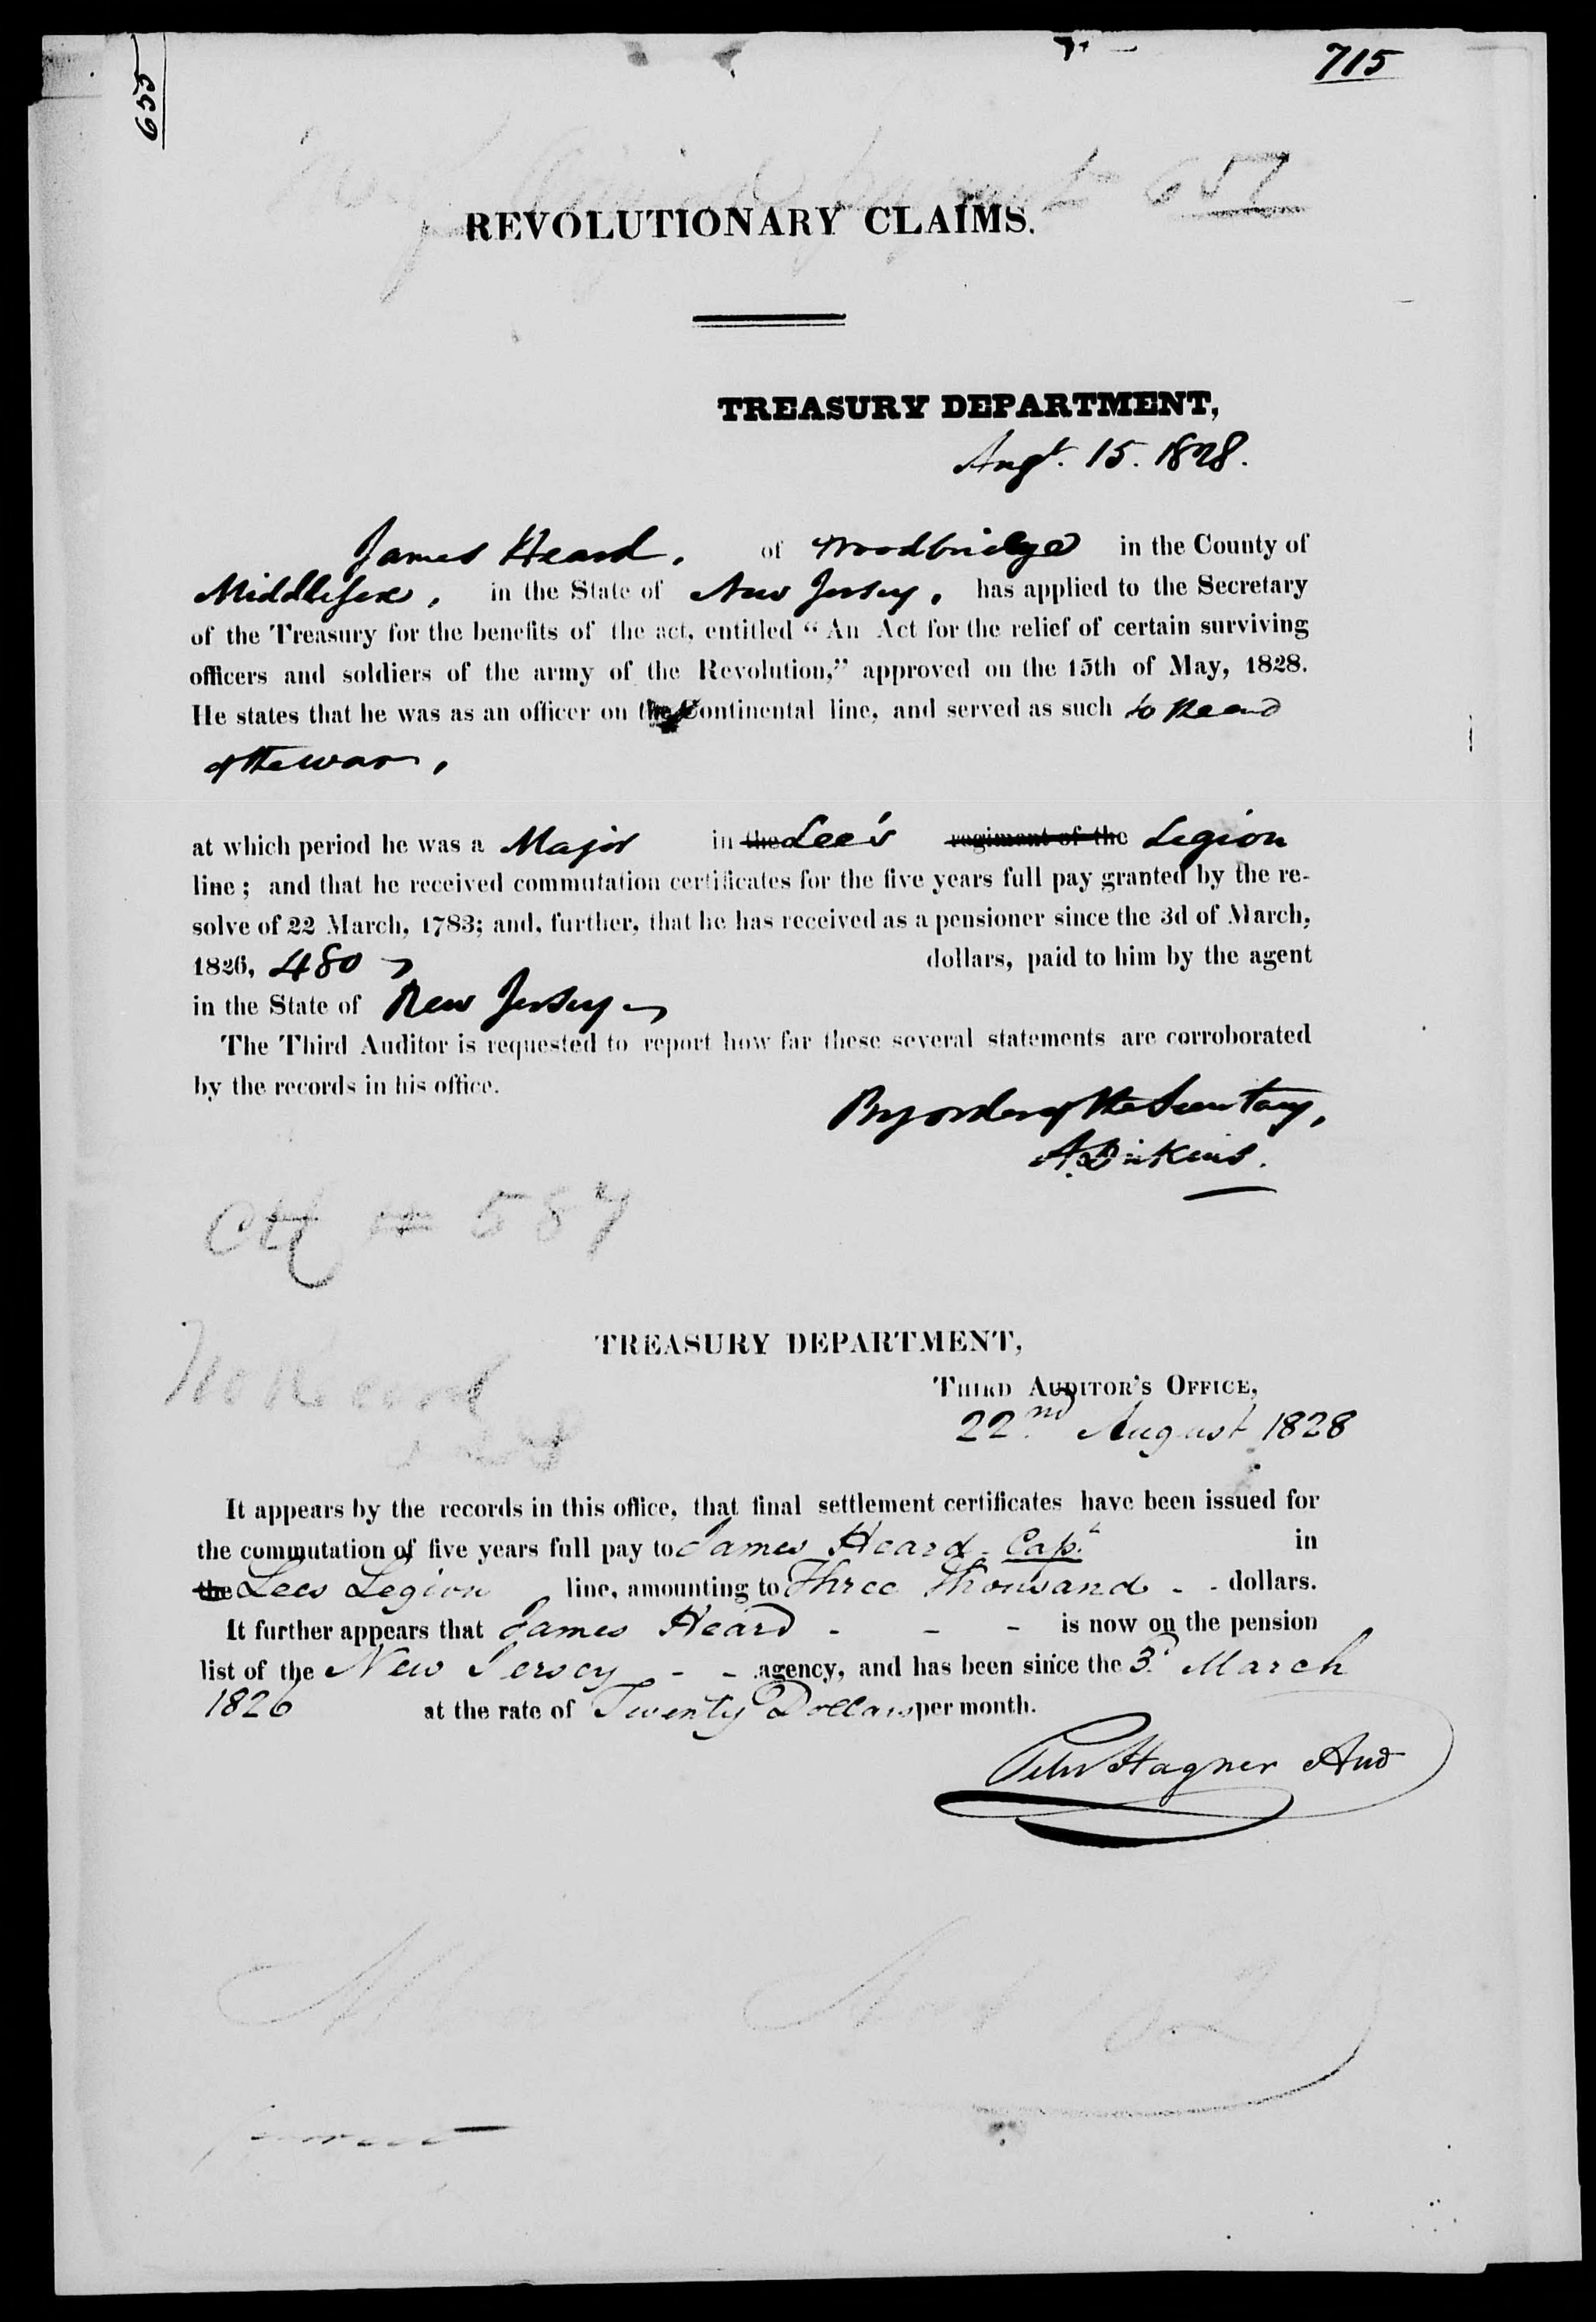Revolutionary Claims
Treasury Department,
August 15, 1828

James Heard, of Woodbridge in the County of Middlesex, in the State of New Jersey, has applied to the Secretary of the Treasury for the benefits of the act, entitled “An act for the relief of certain surviving Officers and Soldiers of the Army of the Revolution, approved on the 15th of May, 1828. He states that he was as an officer on the continental line, and served as such to the end of the war, at which point he was a Major in Lee’s Legion line; and that he received commutation certificates for the five years full pay granted by the resolve of 22 March 1783; and, further, that he has received as a pensioner since the 3rd of March 1826, 480 dollars, paid to him by the agent in the State of New Jersey.

The Third Auditor is requested to report how far these several statements are corroborated by the records in his office. 

By order of the Secretary
A. Dickens

Treasury Department
Third Auditor’s Office 
22nd August 1828

It appears by the records in this office, that final settlement certificates have been issued for the commutation of five years full pay to James Heard, Capt. in Lee’s Legion line, amounting to three thousand dollars. It further appears that James Heard is now on the pension list of New Jersey agency, has been since the 3rd of March 1826 at the rate of 20 dollars per month.

Peter Hagner, Auditor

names: James Heard, Peter Hagner, A Dickins, James Heard, James Heard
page: 57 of 62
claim: survivor's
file: S. 540, James Heard, Continental - New Jersey Residence In 1818